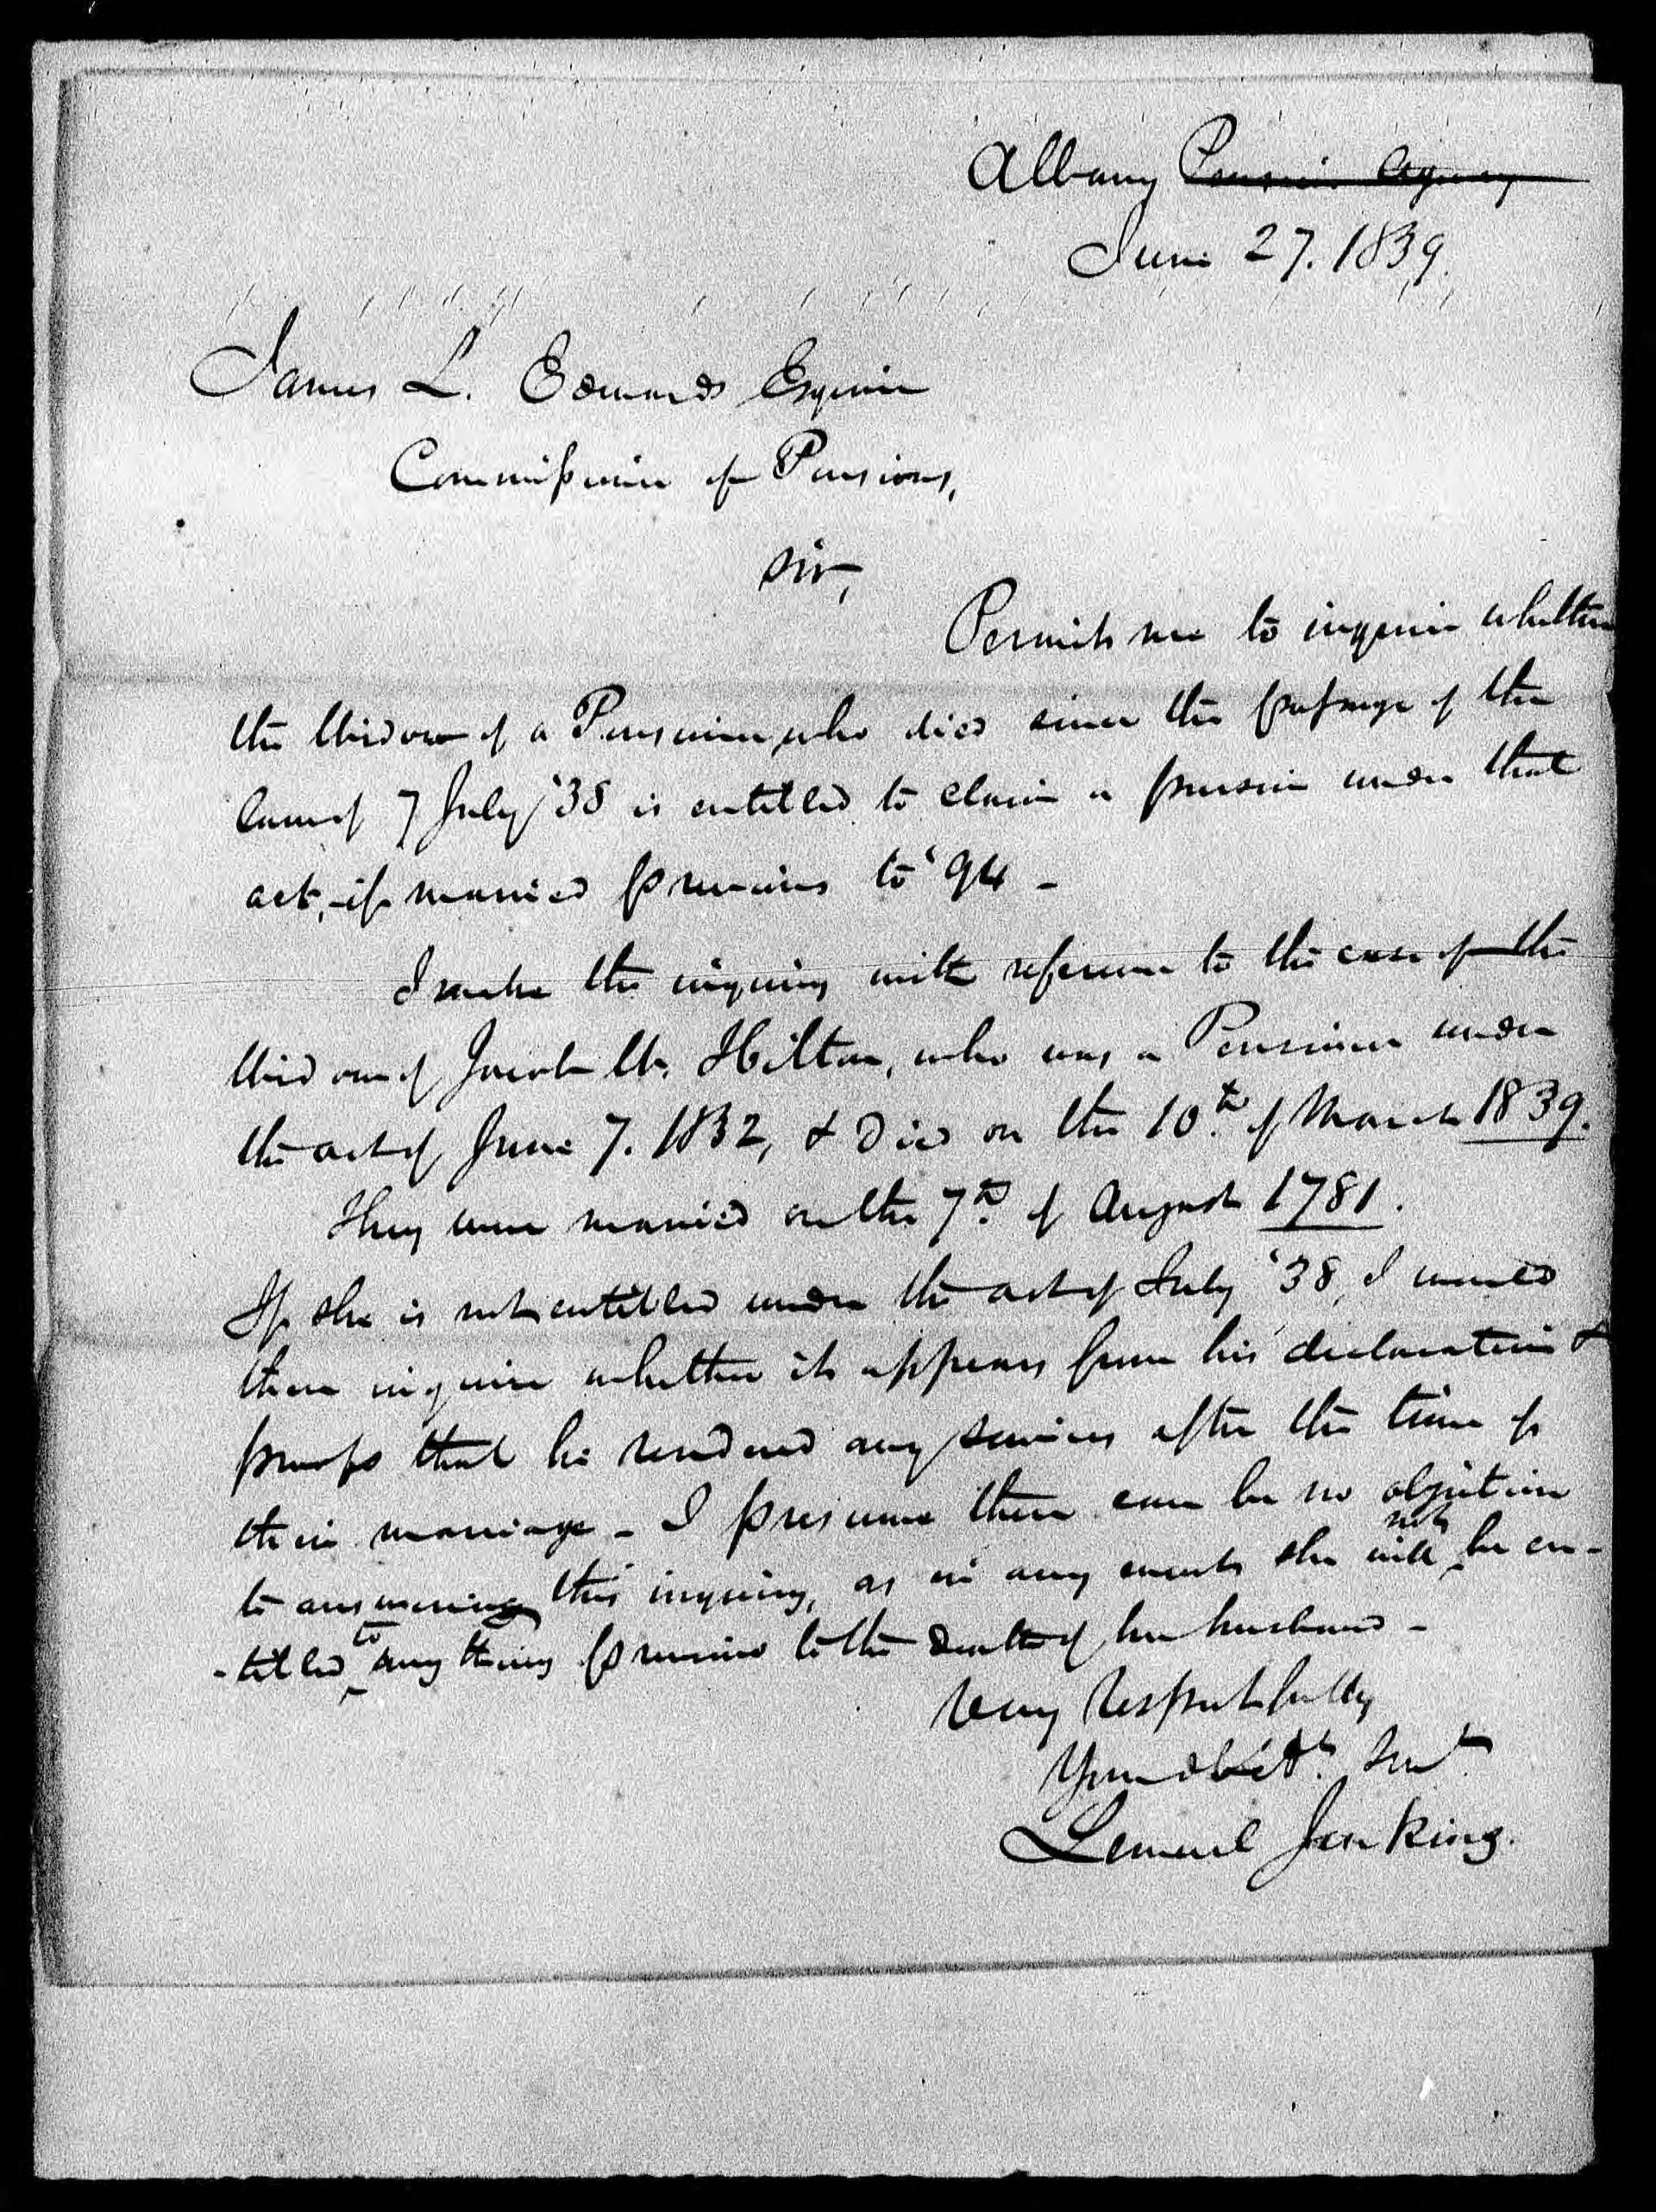Albany [(strike through?) Pension Agency]
June 27. 1839

James L. Edwards Esquire
Commissioner of Pensions
Sir,
Permit me to inquire whether
the widow of a Pensioner who died since the passage of the law of 7 July '38 is entitled to claim a pension under that act if married previous to '94 -
I make the inquiry with reference to the case of the Widow of Jacob W. Hilton, who was a Pensioner under the act of June 7, 1832, & died on the 10th of March 1839.
They were married on the 7th of August 1781.
If she is not entitled under the act of July '38, I would
then inquire whether it appears from his declaration of [proofs] that he rendered any [savings] after the time of this marriage. I presume there can be no objection
to answering this inquiry, as in any event she will [illegible superscript] be entitled to any thing previous to the death of her husband
Very Respectfully
Your obedient servant
Lemuel Jenkins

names: Lemuel Jenkins, James L Edwards, Jacob W Hilton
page: 43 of 48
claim: widow's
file: W. 19788, Jacob W Hilton, New York